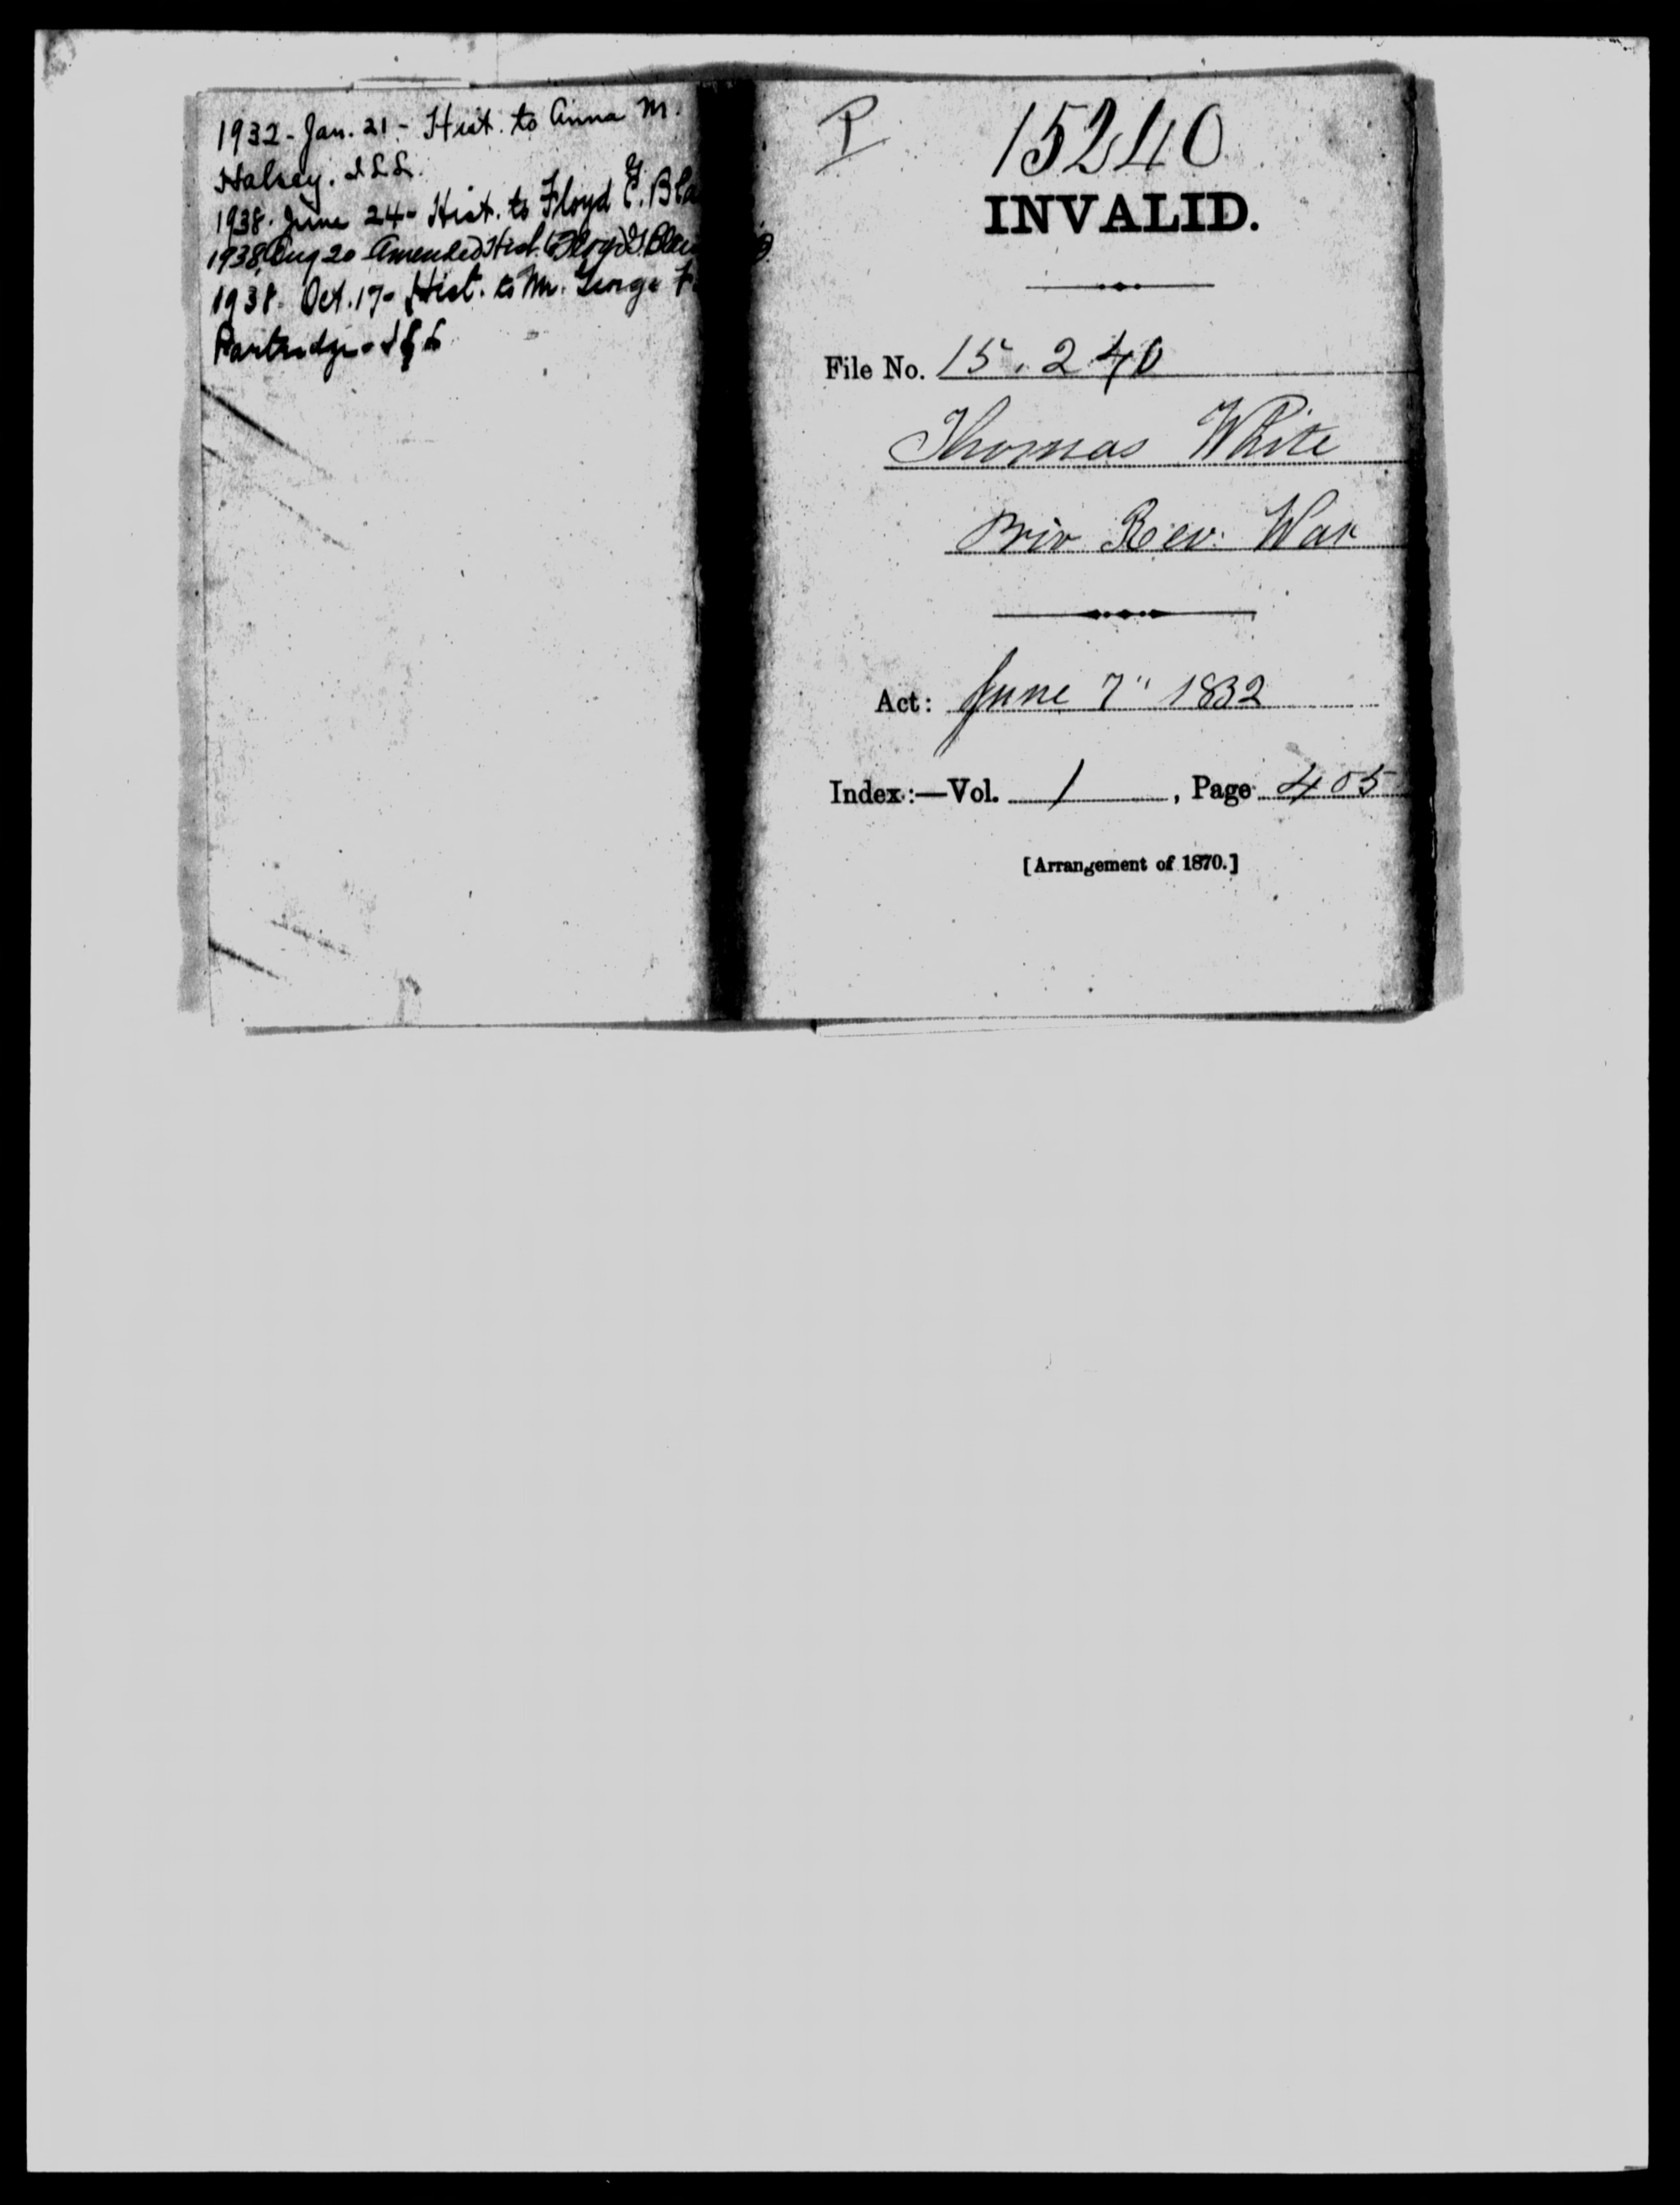P 15240
INVALID.
File No. 15.240
Thomas White
Priv Rev. War
Act: June 7, 1832
Index: -- Vol. 1  Page 405
[Arrangement of 1870.]

1932- Jan 21 - Hist. to Anna M Halsey, I. L. L. 
1938 - June 24 - Hist. to Floyd G C. Bl
1938 - Aug 20 - Amended Hist. (Floyd G. Blau
1938 - Oct. 17 - Hist. to Mr. George F Partedge - J L L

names: Thomas White, George F Partridge, Floyd G Blair, Anna M Halsey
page: 24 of 43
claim: survivor's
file: S. 15240, Thomas White, Md.